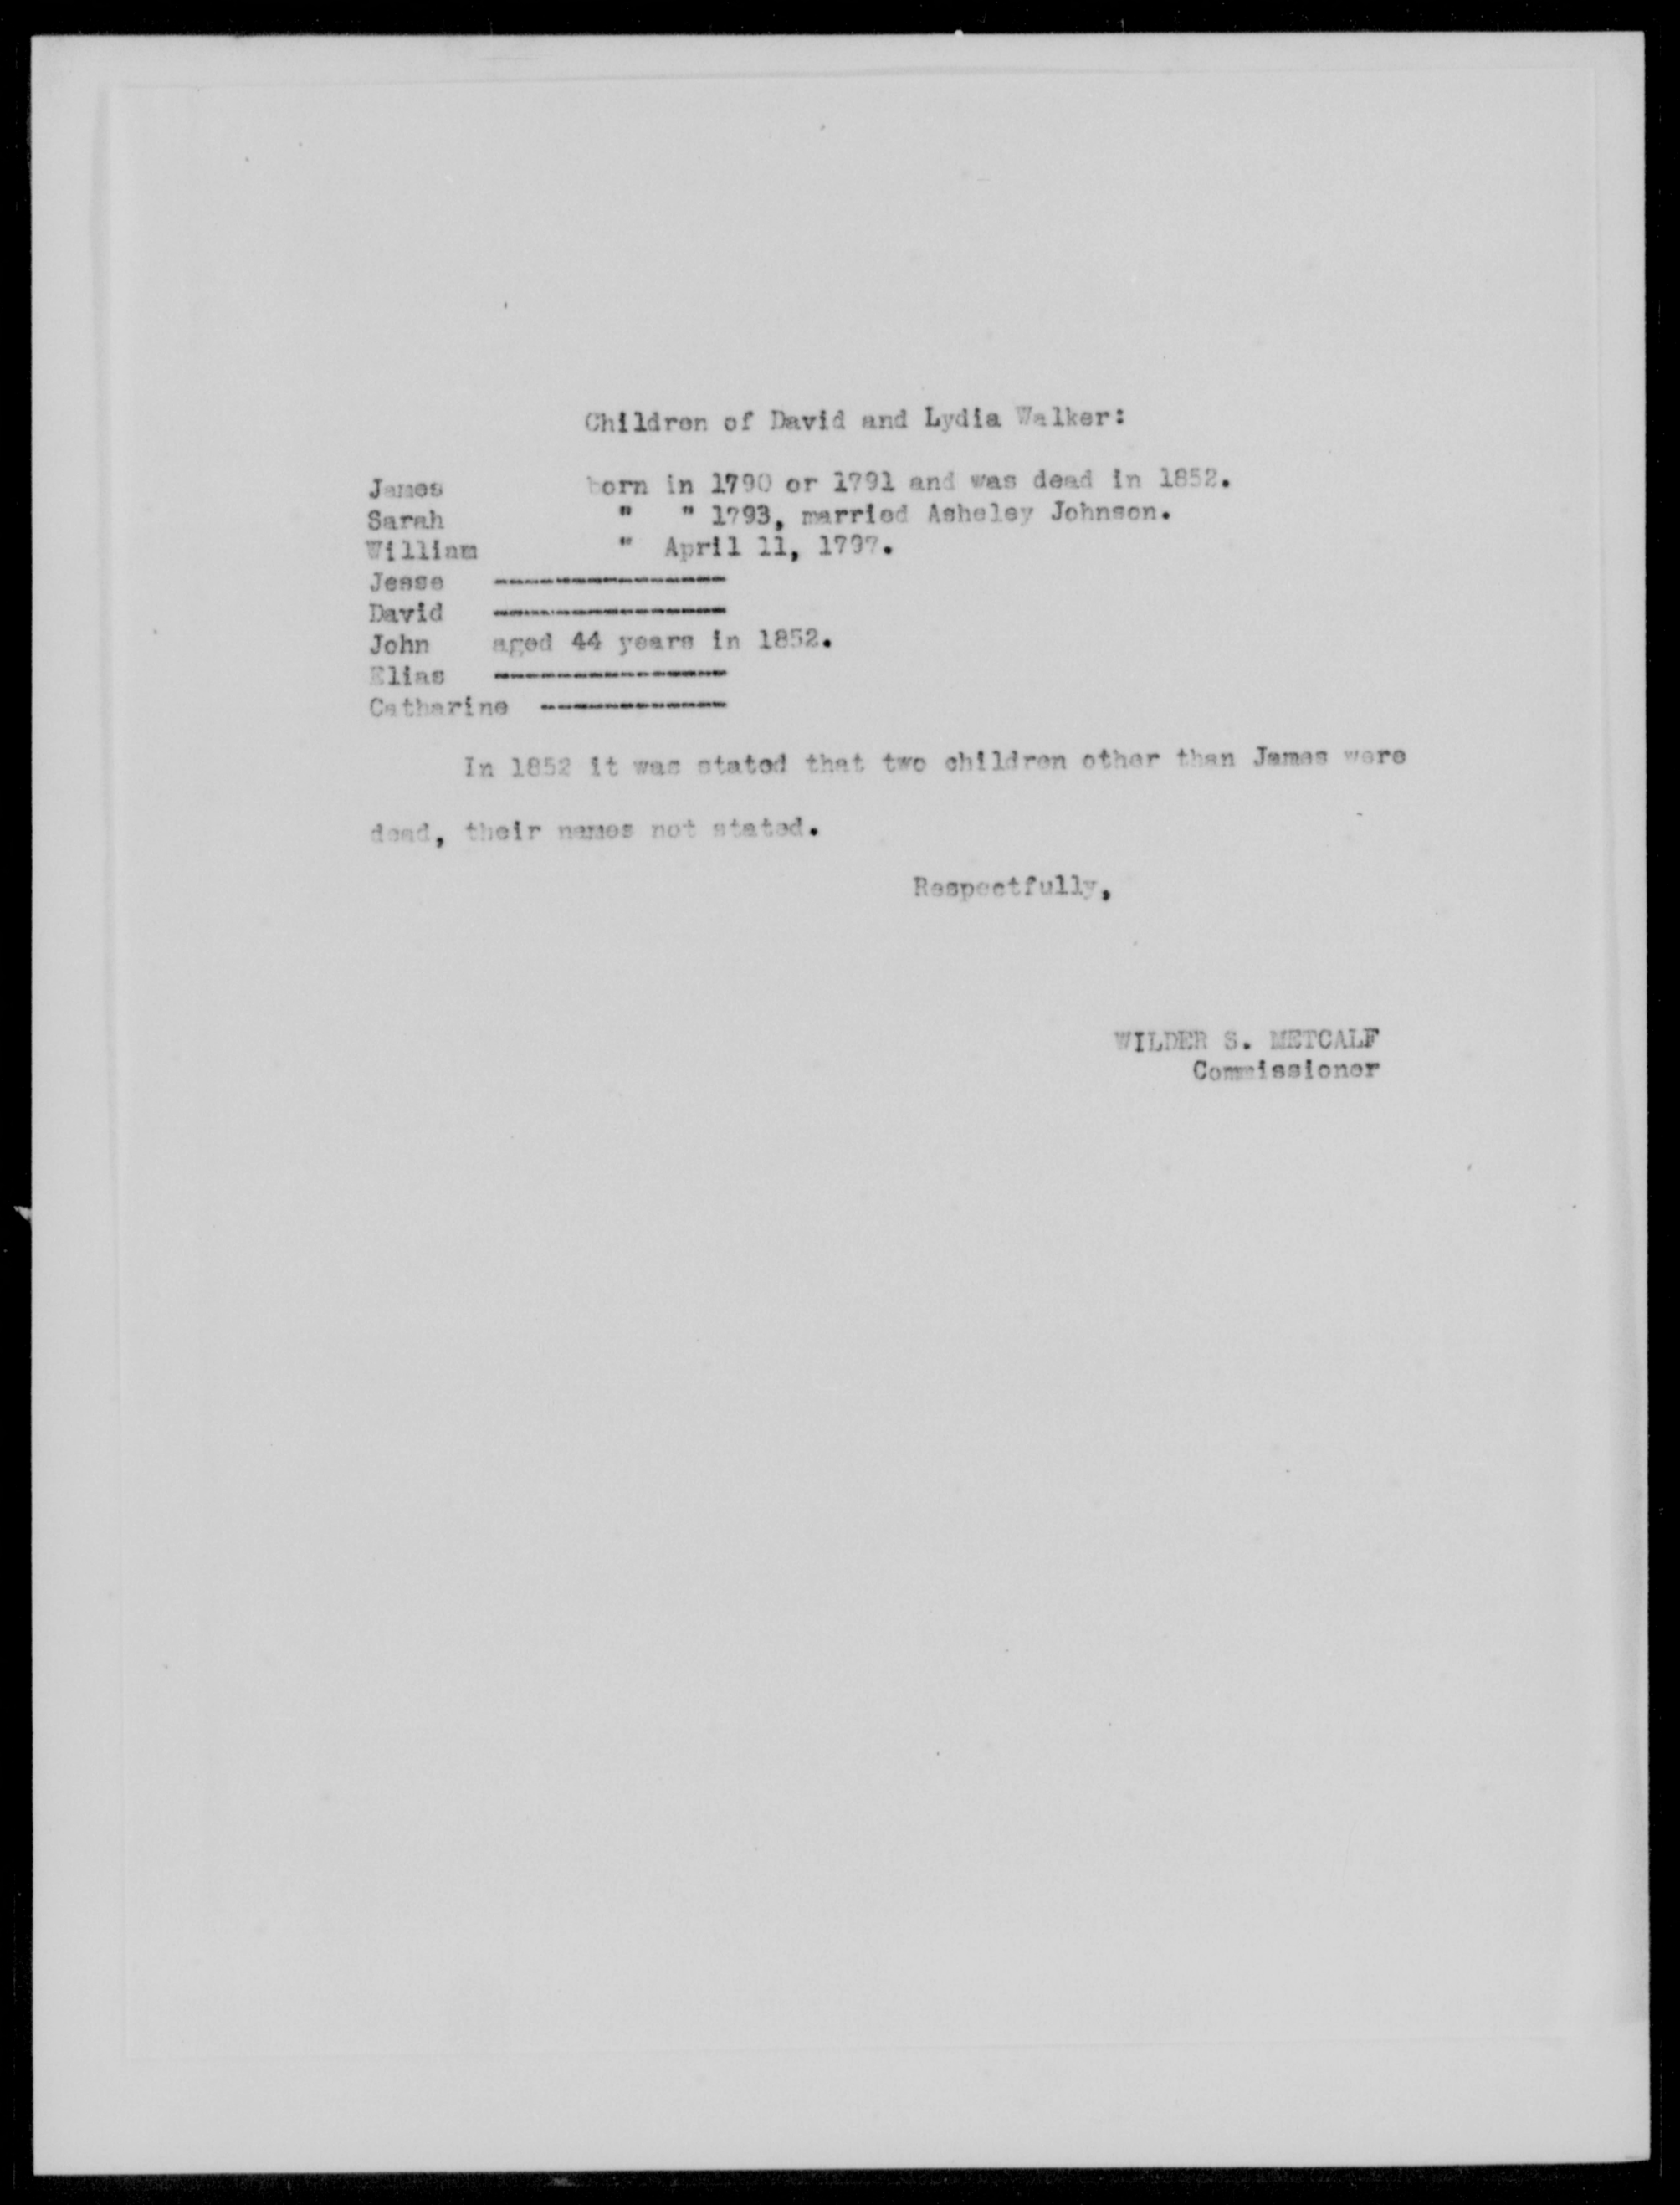Children of David and Lydia Walker:
James born in 1790 or 1791 and was dead in 1852.
Sarah born in 1793, married Asheley Johnson.
William born on April 11, 1797.
Jesse
David
John aged 44 years in 1852.
Elias
Catharine
In 1852 it was stated that two children other than James were dead, their names not stated.
Respectfully,
WILDER S. METCALF
Commissioner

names: James, Wilder S Metcalf, Elias, Jesse, David Walker, William, John, Asheley Johnson, Catharine, David, Lydia Walker, Sarah, James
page: 20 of 37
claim: rejected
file: R. 11047, David Walker, N.C.